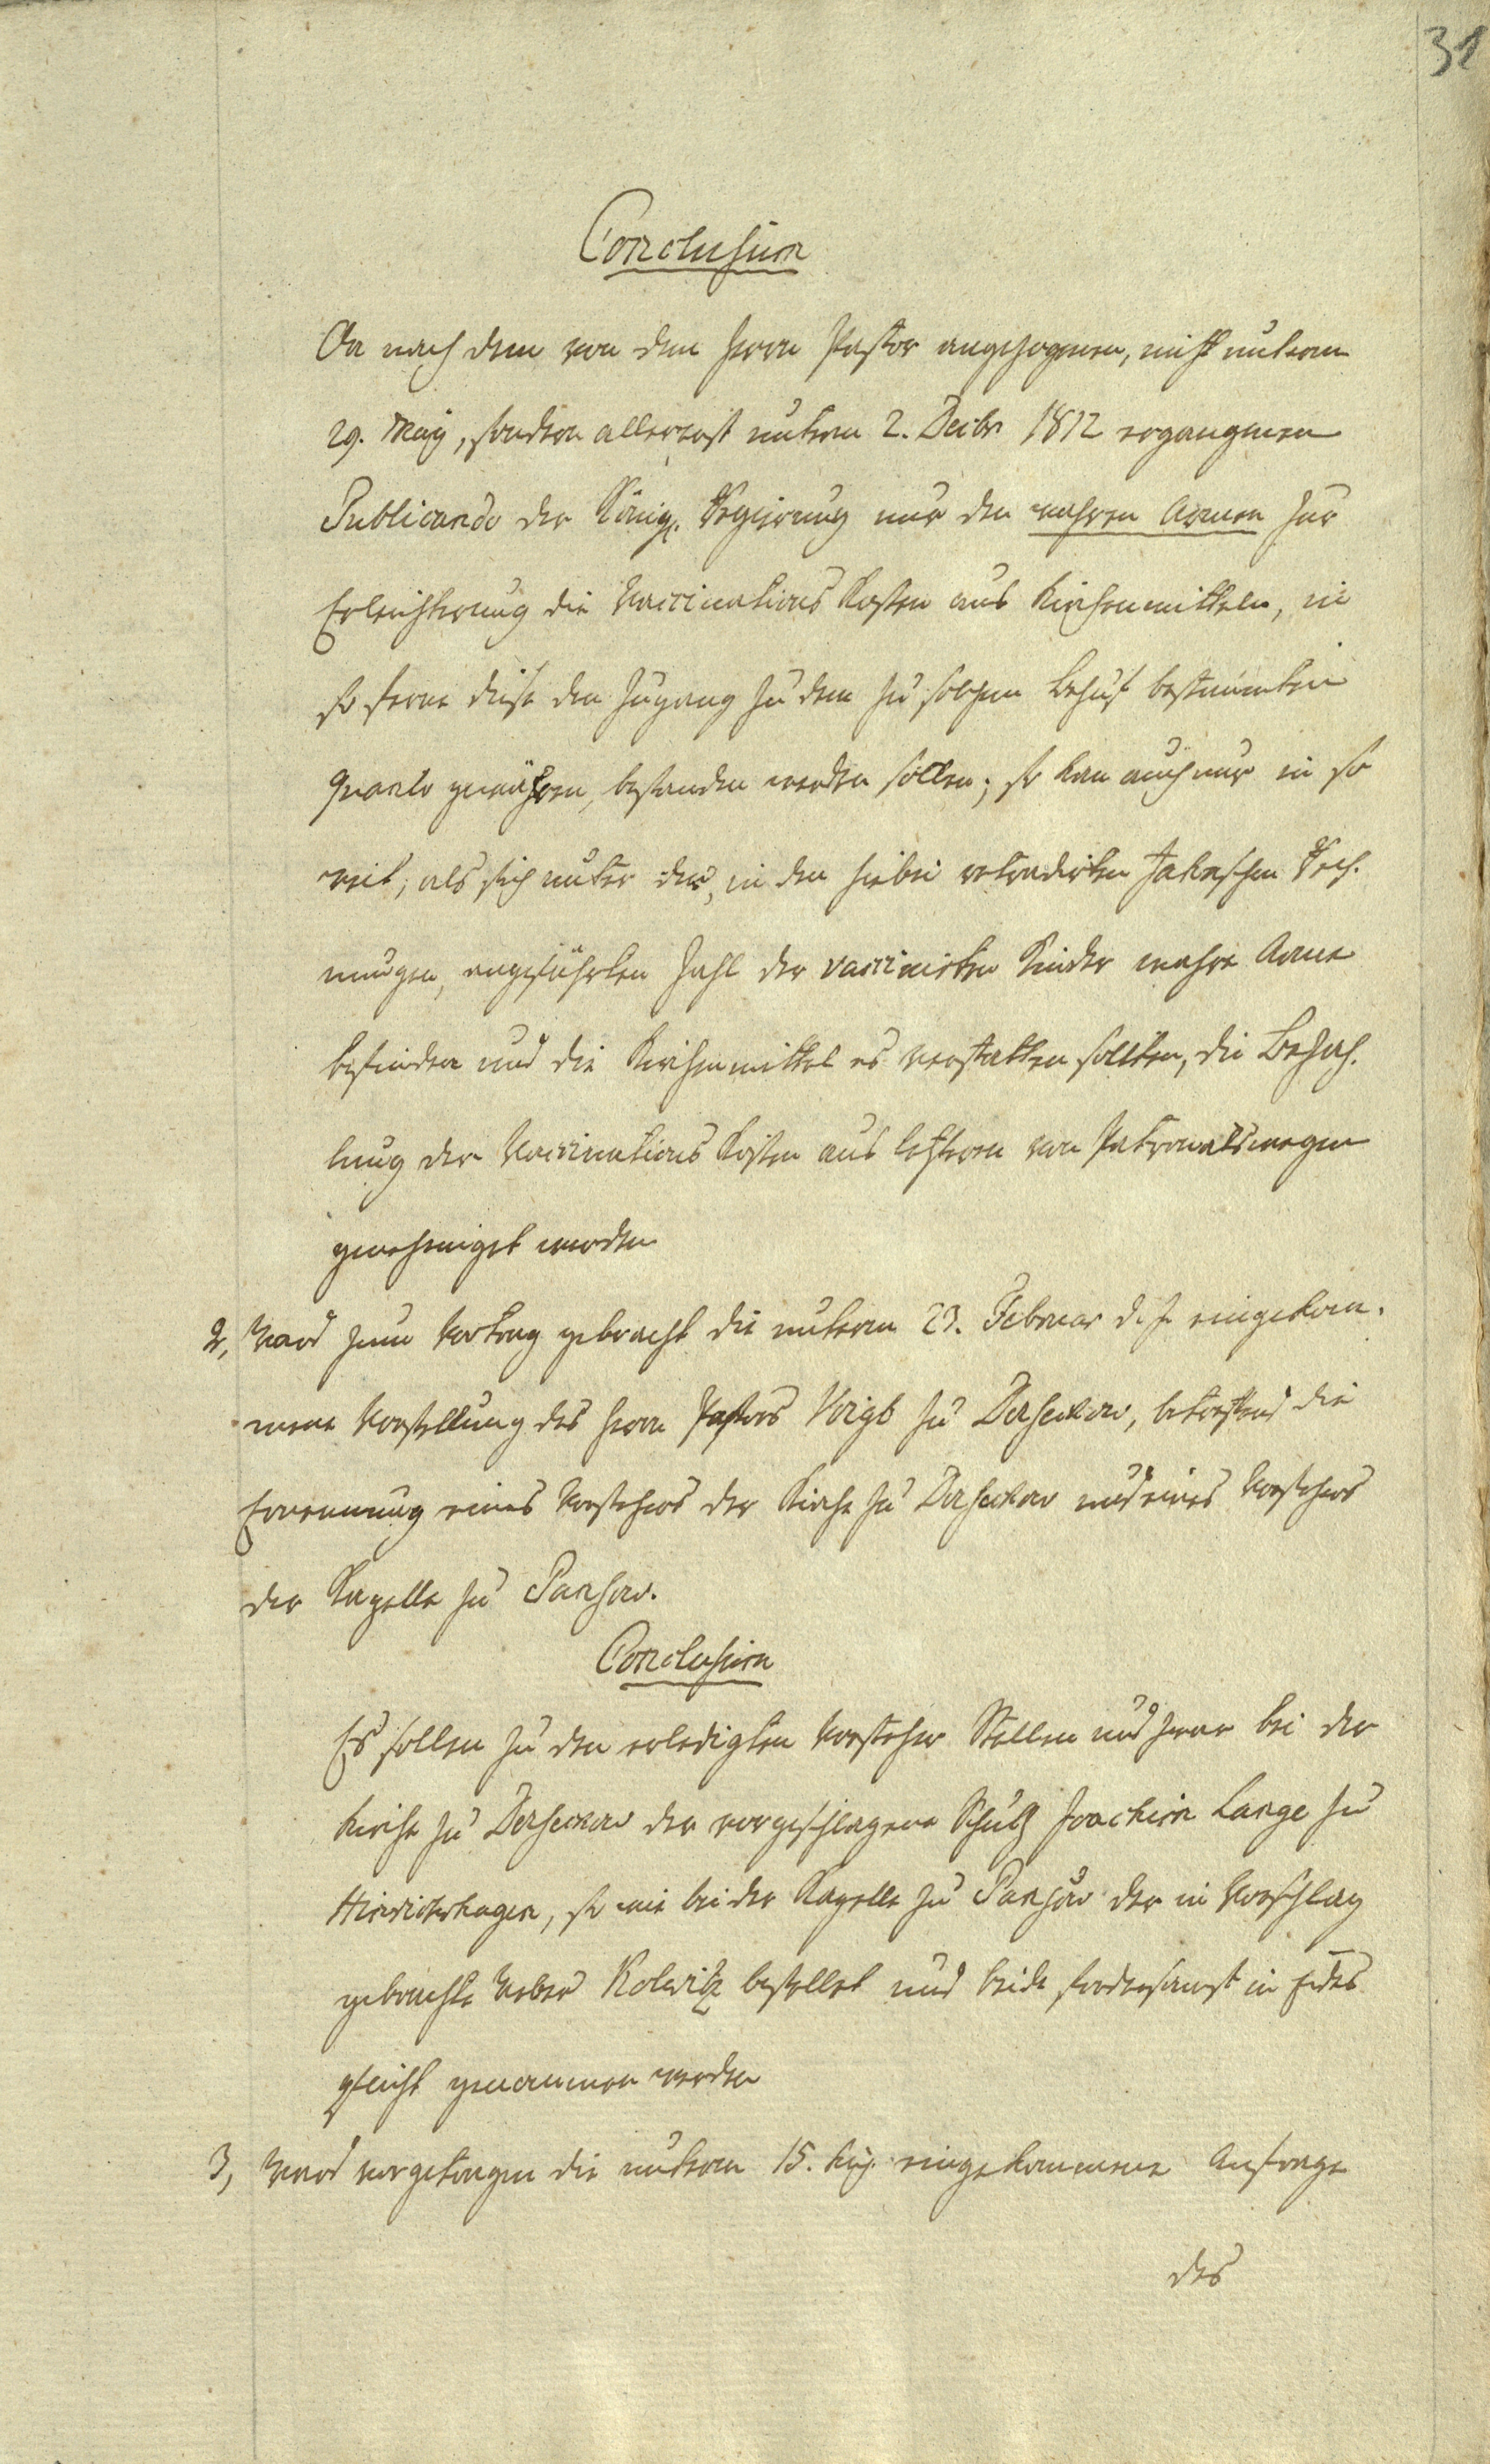Conclusum
Da nach dem von dem Herrn Pastor angezogenen, nicht unterm
29. Maÿ, sondern allererst unterm 2. Decbr 1812 ergangenen
Publicando der Königl. Regierung nur den wahren Armen zur
Erleichterung die Vaccinations Kosten aus Kirchenmitteln, in
so ferne diese den Zugang zu dem zu solchen Behuf bestimmten
Quanto gewähren, bestanden werden sollen; so kan auch nur in so
weit; als sich unter der, in den hiebei retradirten Jahnschen Rech¬
nungen, angeführten Zahl der vaccinirten Kinder wahre Arme
befinden und die Kirchenmittel es verstatten sollten, die Bezah¬
lung der Vaccinations Kosten aus letzteren von Patronatswegen
genehmiget werden.
2, Ward zum Vortrag gebracht die unterm 23. Februar d. J. eingekom¬
mene Vorstellung des Herrn Pastors Voigt zu Derseckow, betreffend die
Ernennung eines Vorstehers der Kirche zu Derseckow und eines Vorstehers
der Kapelle zu Pansow.
Conclusum
Er sollen zu den erledigten Vorsteher Stellen und zwar bei der
Kirche zu Derseckow der vorgeschlagene Schulz Joachim Lange zu
Hinrichshagen, so wie bei der Kapelle zu Pansow der in Vorschlag
gebrachte Weber Kolwitz bestellet und beide fordersamst in Eides
pflicht genommen werden.
3, Wird vorgetragen die unterm 15. huj. eingekommene Anfrage
des